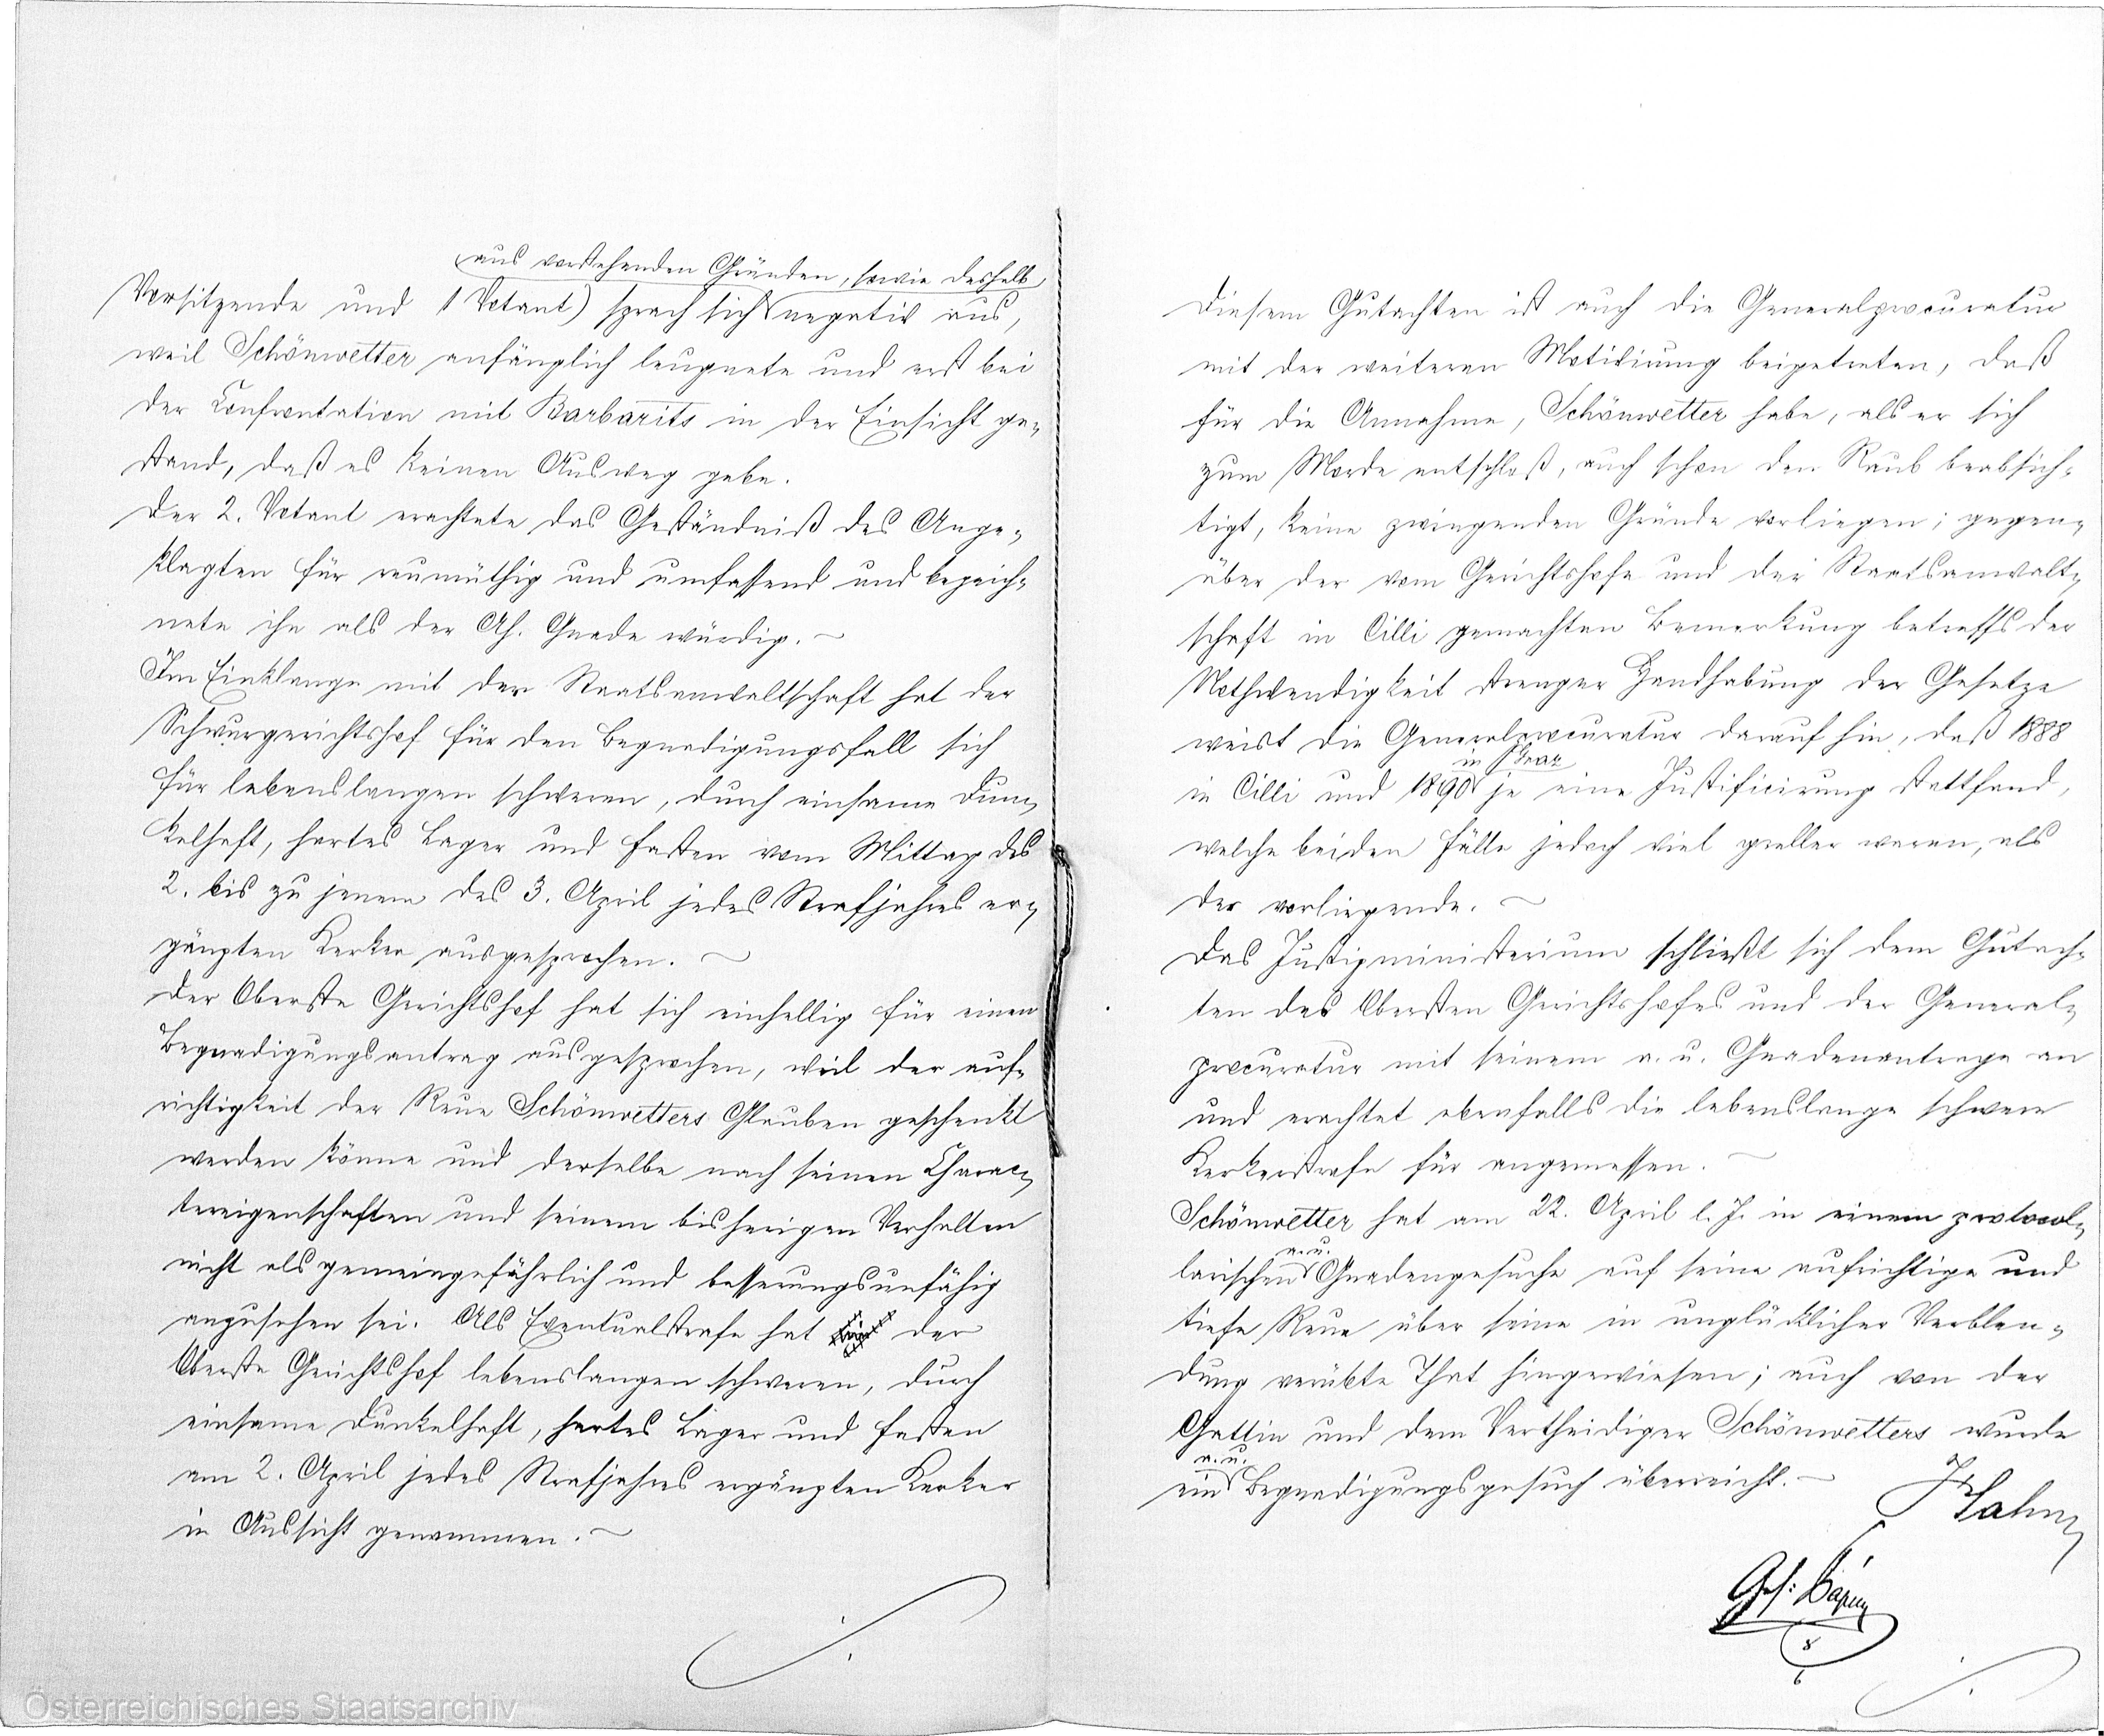aus vorstehenden Gründen, sowie deshalb
Vorsitzende und 1 Votant) sprach sich negativ aus,
weil Schönwetter anfänglich leugnete und erst bei
der Confrontation mit Barbarits in der Einsicht ge¬
stand, daß es keinen Ausweg gebe.
Der 2. Votant erachtete das Geständniß des Ange¬
klagten für reumüthig und umfassend und bezeich¬
nete ihn als der Ah. Gnade würdig.
Im Einklange mit der Staatsanwaltschaft hat der
Schwurgerichtshof für den Begnadigungsfall sich
für lebenslangen schweren, durch einsame Dun¬
kelhaft, hartes Lager und fasten vom Mittag des
2. Bis zu jenem des 3. April jedes Strafjahres er¬
gänzten Kerker ausgesprochen.
Der Oberste Gerichtshof hat sich einhellig für einen
Begnadigungsantrag ausgesprochen, weil der Auf¬
richtigkeit der Reue Schönwetters Glauben geschenkt
werden könne und derselbe nach seinen Charac¬
tereigenschaften und seinem bishierigen Verhalten
nicht als gemeingefährlich und besserungsunfähig
anzusehen sei. Als Eventualstrafe hat der
Oberste Gerichtshof lebenslangen schweren, durch
einsame Dunkelhaft, hartes Lager und Fasten
am 2. April jedes Strafjahres ergänzten Kerker
in Aussicht genommen.
Diesem Gutachten ist auch die Generalprocuratur
mit der weiteren Motivirung beigetreten, daß
für die Annahme, Schönwetter habe, als er sich
zum Morde entschloß, auch schon den Raub beabsich¬
tigt, keine zwingende Gründe vorliegen, gegen¬
über der vo Gerichtshofe und der Staatsanwalt¬
schaft in Cilli gemachten Bemerkung betreffs der
Nothwendigkeit strenger Handhabung der Gesetze
weist die Generalprocuratur darauf hin, daß 1888
in Graz
in Cilli und 1890 je eine Justificirung stattfand,
welche beiden Fälle jedoch viel greller waren, als
der vorliegende.
Das Justizministerium schließt sich dem Gutach¬
ten des Obersten Gerichtshofes und der General-
procuratur mit seinem a. u. Gnadenantrage an
und erachtet ebenfalls die lebenslange schwere
Kerkerstrafe für angemessen.
Schönwetter hat am 22. April l. J. in einem protocol¬
a. u.
larischen Gnadengesuch auf seine aufrichte und
tiefe Reue über seine in unglücklicher Verblen¬
dung verübte That hingewiesen, auch von der
Gattin und dem Vertheidiger Schönwetters wurde
a.u.
ein Begnadigungsgesuch überreicht.
Hahn
Ges. Basny
8
6